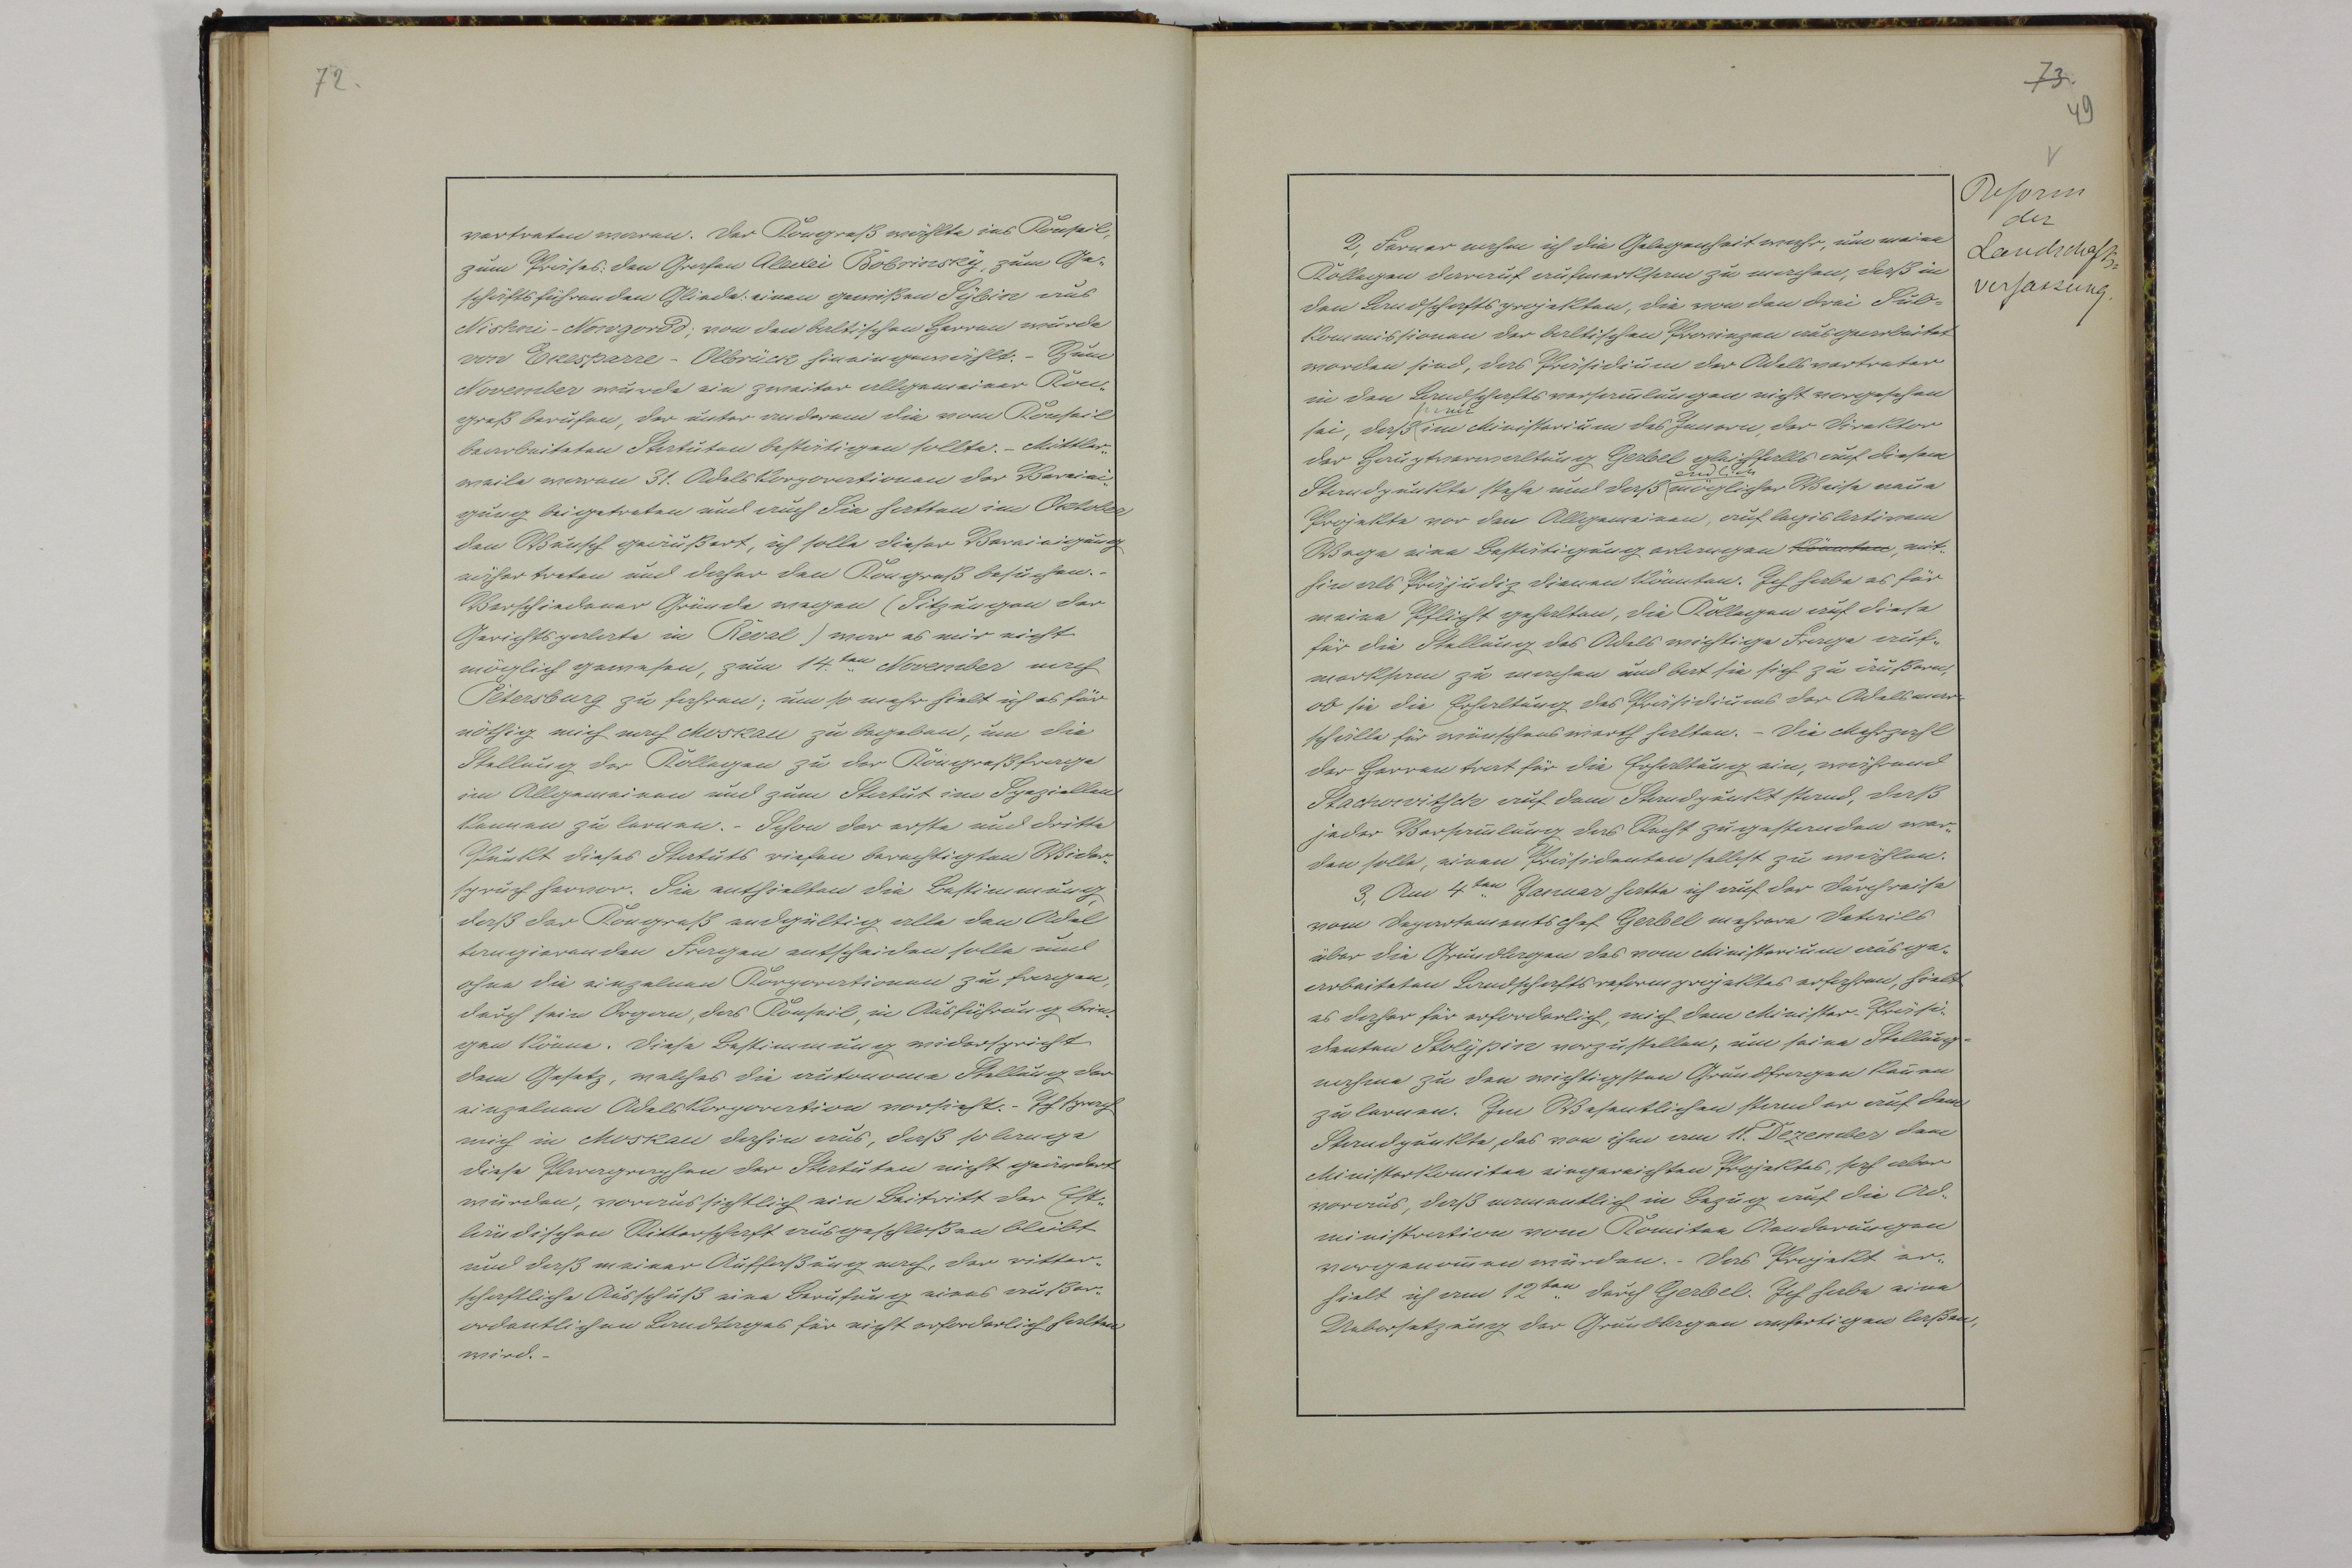vertreten waren. Der Kongreß wählte ins Konseil,
zum Präses: den Grafen Alexei Bobrinsky, zum Ge-
schäftsführenden Gliede: einen gewißen Sybin aus
Nishni-Nowgorod; von den baltischen Herren wurde
von Ekesparre-Olbrück hineingewählt. – Zum
November wurde ein zweiter allgemeiner Kon-
greß berufen, der unter anderem die vom Konseil
bearbeiteten Statuten bestätigen sollte. – Mittler-
weile waren 31. Adelskorporationen der Vereini-
gung beigetreten und auch Sie hatten im Oktober
den Wunsch geäußert, ich solle dieser Vereinigung
nähertreten und daher den Kongreß besuchen. -
Verschiedener Gründe wegen (Sitzungen der
Gerichtspalate in Reval) war es mir nicht
möglich gewesen, zum 14ten November nach
Petersburg zu fahren; umso mehr hielt ich es für
nöthig mich nach Moskau zu begeben, um die
Stellung der Kollegen zu der Kongreßfrage
im Allgemeinen und zum Statut im Speziellen
kennen zu lernen. - Schon der erste und dritte
Punkt dieses Statuts riefen berechtigten Wider-
spruch hervor. Sie enthielten die Bestimmung,
daß der Kongreß endgültig alle den Adel
tangierenden Fragen entscheiden solle und
ohne die einzelnen Korporationen zu fragen,
durch sein Organ, das Konseil, in Ausführung brin-
gen könne. Diese Bestimmung widerspricht
dem Gesetz, welches die autonome Stellung der
einzelnen Adelskorporationen vorsieht. - Ich sprach
mich in Moskau dahin aus, daß so lange
diese Paragraphen der Statuten nicht geändert
würden, voraussichtlich ein Beitritt der Est-
ländischen Ritterschaft ausgeschloßen bleibt
und daß meiner Auffaßung nach, der ritter-
schaftliche Ausschuß eine Berufung eines außer-
ordentlichen Landtages für nicht erforderlich halten
wird. -
2. Ferner nahm ich die Gelegenheit wahr, um meine
Kollegen darauf aufmerksam zu machen, daß in
den Landschaftsprojekten, die von den drei Sub-
kommissionen der baltischen Provinzen ausgearbeitet
worden sind, das Präsidium der Adelsvertreter
in den Landschaftsversammlungen nicht vorgesehen
somit
sei, daß im Ministerium des Innern, der Direktor
der Hauptverwaltung Gerbel gleichfalls auf diesem
endlich
Standpunkte stehe und daß möglicher Weise neue
Projekte vor den Allgemeinen, auf legislativem
Wege eine Bestätigung erlangen könnten, mit-
hin als Präjudiz dienen könnten. Ich habe es für
meine Pflicht gehalten, die Kollegen auf diese
für die Stellung des Adels wichtige Frage auf-
merksam zu machen und bat sie sich zu äußern,
ob sie die Erhaltung des Präsidiums der Adelsmar-
schälle für wünschenswerth halten. – Die Mehrzahl
der Herren trat für die Erhaltung ein, während
Stachowitsch auf dem Standpunkt stand, daß
jeder Versammlung das Recht zugestanden wer-
den solle, einen Präsidenten selbst zu wählen.
3. Am 4ten Januar hatte ich auf der Durchreise
vom Departementschef Gerbel mehrere Details
über die Grundlagen des vom Ministerium ausge-
arbeiteten Landschaftsreformprojektes erfahren, hielt
es daher für erforderlich, mich dem Minister-Präsi-
denten Stolypin vorzustellen, um seine Stellung-
nahme zu den wichtigsten Grundfragen kennen
zu lernen. Im Wesentlichen stand er auf dem
Standpunkte des von ihm am 11. Dezember dem
Ministerkomitee eingereichten Projektes, sah aber
voraus, daß namentlich in Bezug auf die Ad-
ministration vom Komitee Aenderungen
vorgenommen würden. – Das Projekt er-
hielt ich am 12ten durch Gerbel. Ich habe eine
Uebersetzung der Grundlagen anfertigen laßen,
Reform
der
Landschafts-
verfassung